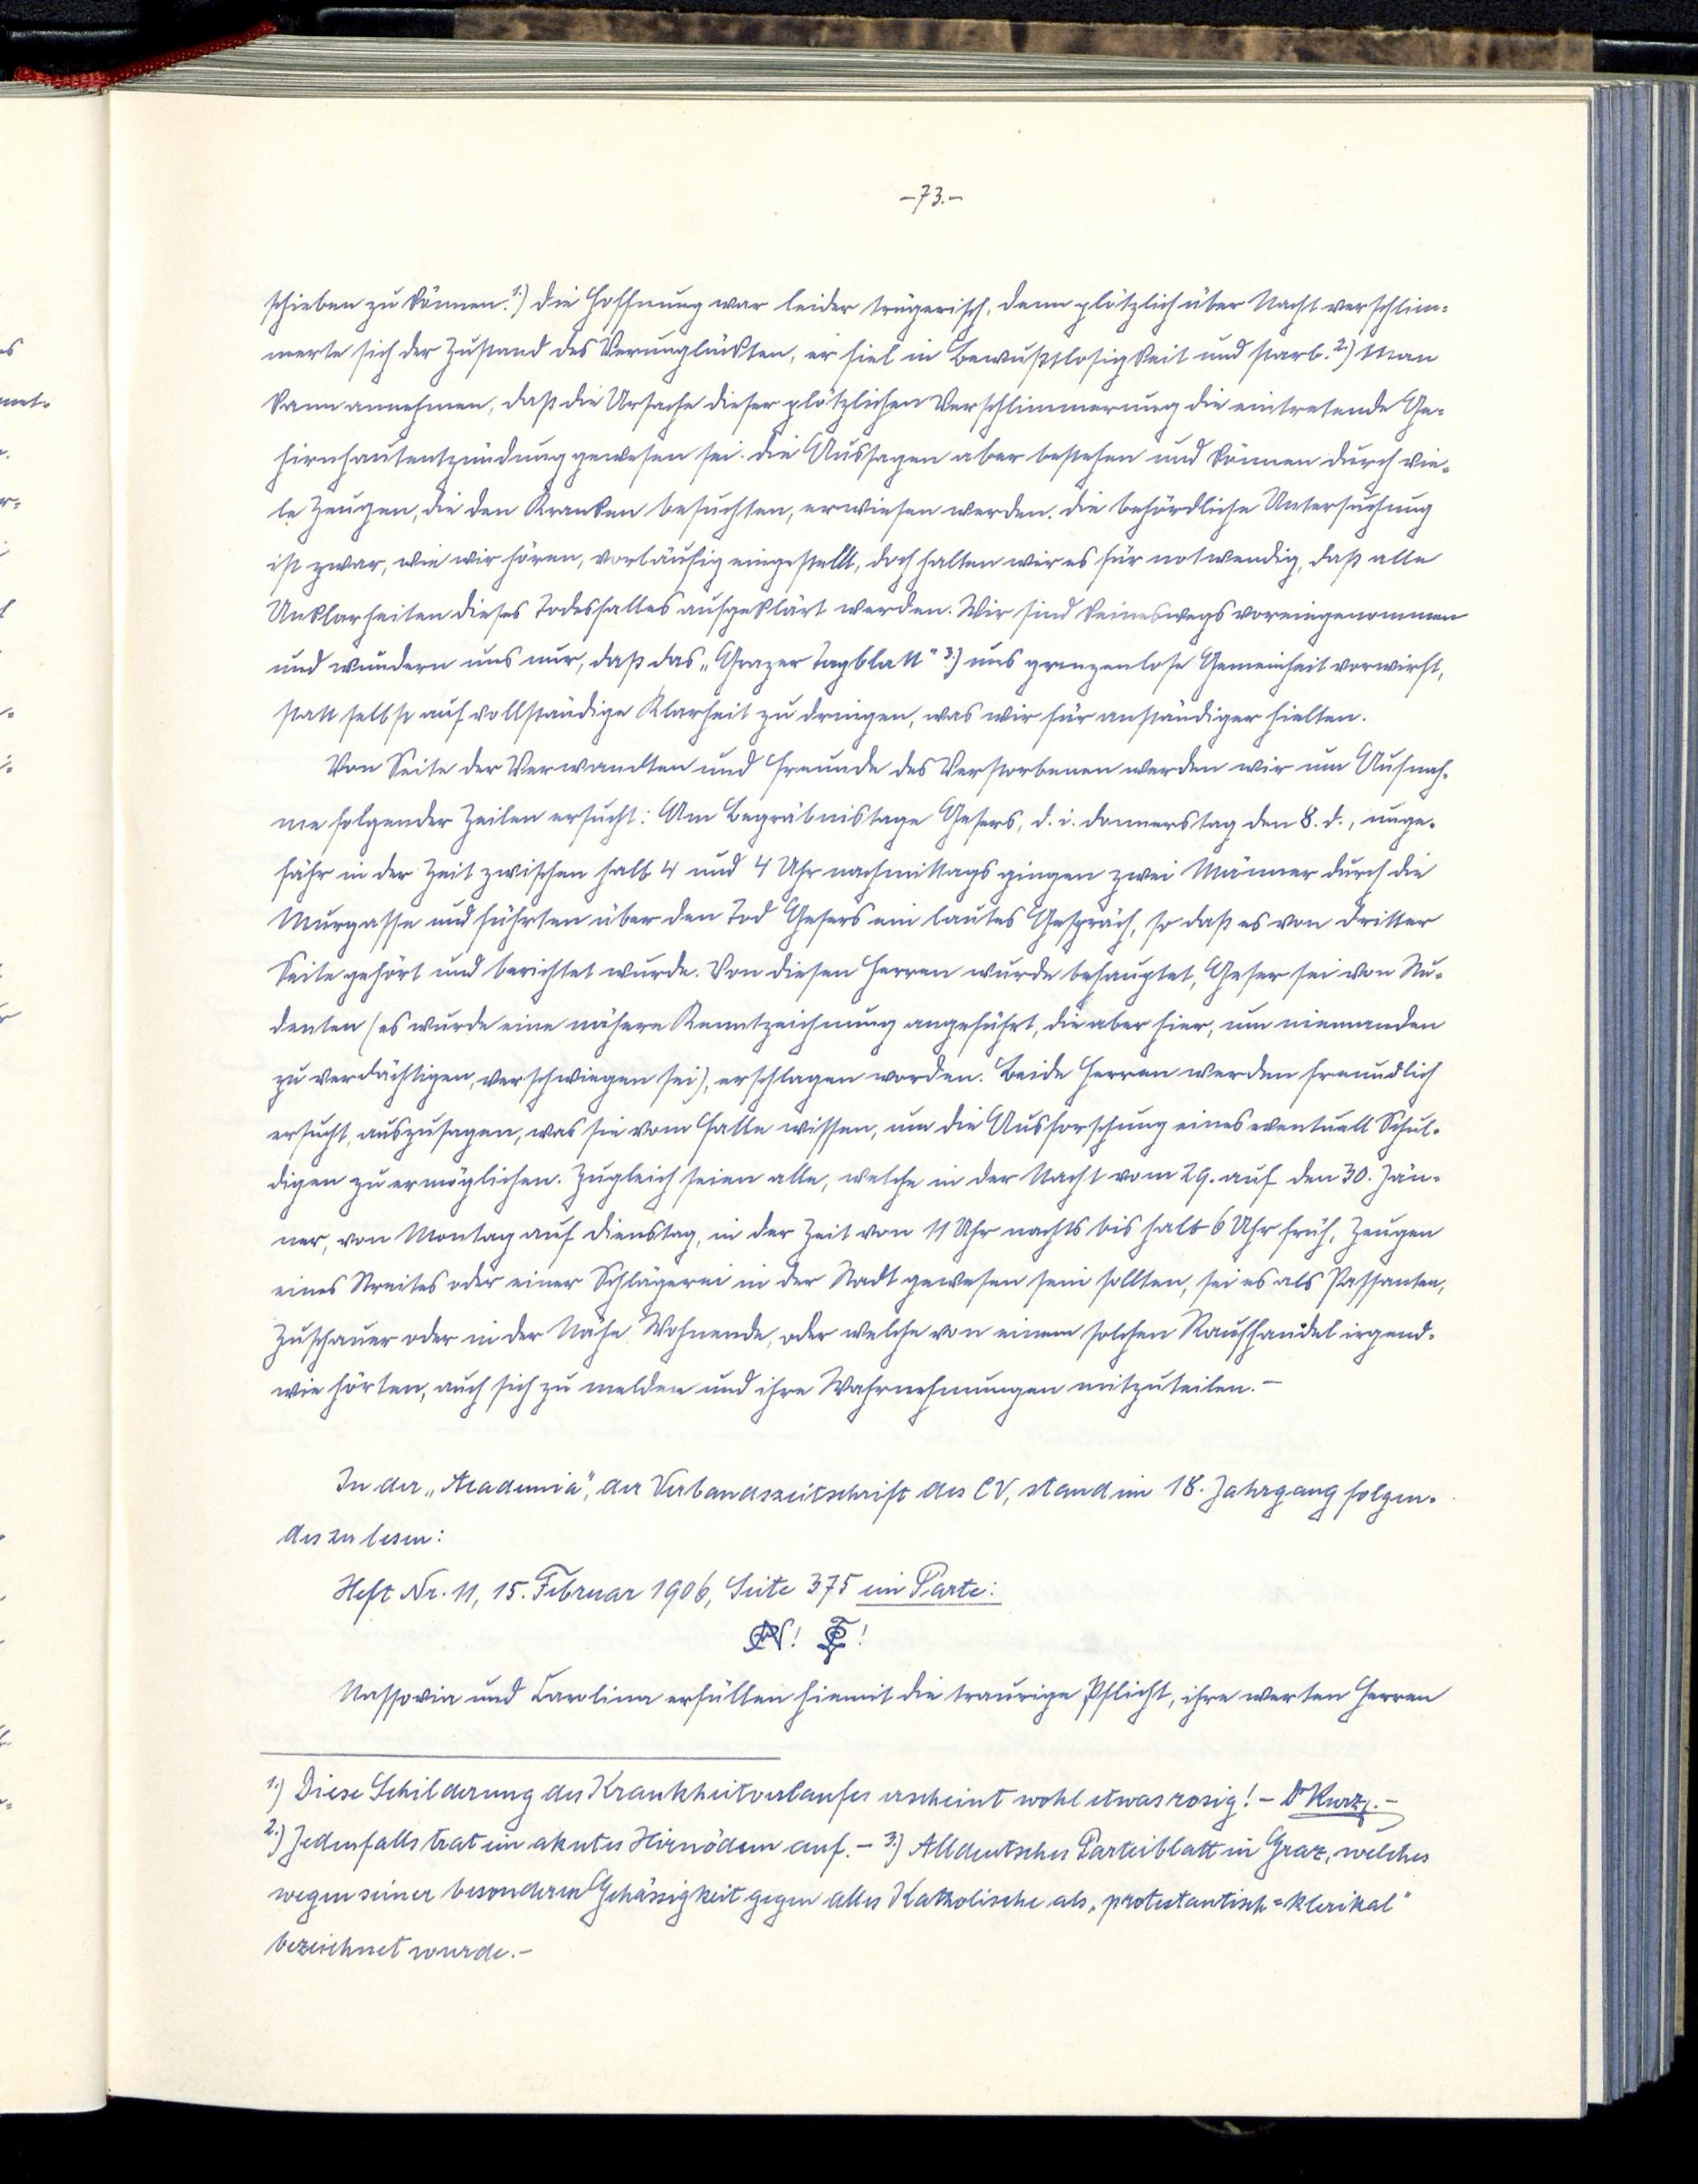73
schieben zu können.1) Die Hoffnung war leider trügerisch, denn plötzlich über Nacht verschlim-
merte sich der Zustand des Verunglückten, er fiel in Bewußtlosigkeit und starb.2) Man
kann annehmen, daß die Ursache dieser plötzlichen Verschlimmerung die eintretende Ge
hirnhautentzündung gewesen sei. Die Aussagen aber bestehen und können durch vie-
le Zeugen, die den Kranken besuchten erwiesen werden. Die behördliche Untersuchung
ist zwar, wie wir hören, vorläufig eingestellt, doch halten wir es für notwendig, daß alle
Unklarheiten dieses Todesfalles aufgeklärt werden. Wir sind keineswegs voreingenommen
und wundern uns nur, dass das Grazer Tagblatt 3) uns grenzenlose Gemeinheit vorwirft,
statt selbst auf die vollständige Klarheit zu bringen, was wir anständiger hielten.
Von Seite der Verwandten und Freunde des Verstorbenen werden wir um Aufnah-
me folgende Zeilen gesucht: Am Begräbnistage Gesers, d. i. Donnerstag den 8. d., unge-
fähr in der Zeit zwischen halb 4 und 4 Uhr nachmittags gingen zwei Männer durch die
Gasse und führten über den Tod Gesers ein lautes Gespräch, so daß es von dritter
Seite gehört und berichtet wurde. Von diesem Herrn wurde behauptet, Geser sei von Stu-
denten (es wurde eine nähere Kennzeichnung eingeführt, die aber hier, um niemanden
zu verdächtigen, verschwiegen sei), erschlagen worden. Beide Herren werden freundlich
ersucht, auszusagen, was sie vom Falle wissen, um die aus Ausforschung eines eventuell Schul-
digen zu ermöglichen. Zugleich seien alle, welche in der Nacht vom 29. auf den 30. Jän-
ner, von Montag auf Dienstag, in der Zeit von 11 Uhr nachts bis halb 6 Uhr früh, Zeugen
eines Streites oder einer Schlägerei in der Stadt gewesen sein sollten, sei es als Passanten,
Zuschauer oder in der Nähe wohnender, oder welche von einem solchen Raufhandel irgend
wie hörten, auch sich zu melden und ihre Wahrnehmungen mitzuteilen.-
In der „Akademia“ , der Verbandszeitschrift des CV, stand im 18. Jahrgang folgen-
des zu lesen:
Heft Nr. 11, 15. Februar 1906, Seite 375 eine Parte:
Ns! Cl!
Nassowia und Carolina erfüllen hiermit die traurige Pflicht, ihre werten Herren
1) Diese Schilderung des Krankheitsverlaufes erscheint wohl etwas rosig! – v Kurz.
2) Jedenfalls trat ein akutes Hirnödem auf. – 3) Alldeutsches Parteiblatt in Graz, welches
wegen seiner besonderen Gehässigkeit gegen alles Katholische als „protestantisch-klerikal“
bezeichnet wurde.